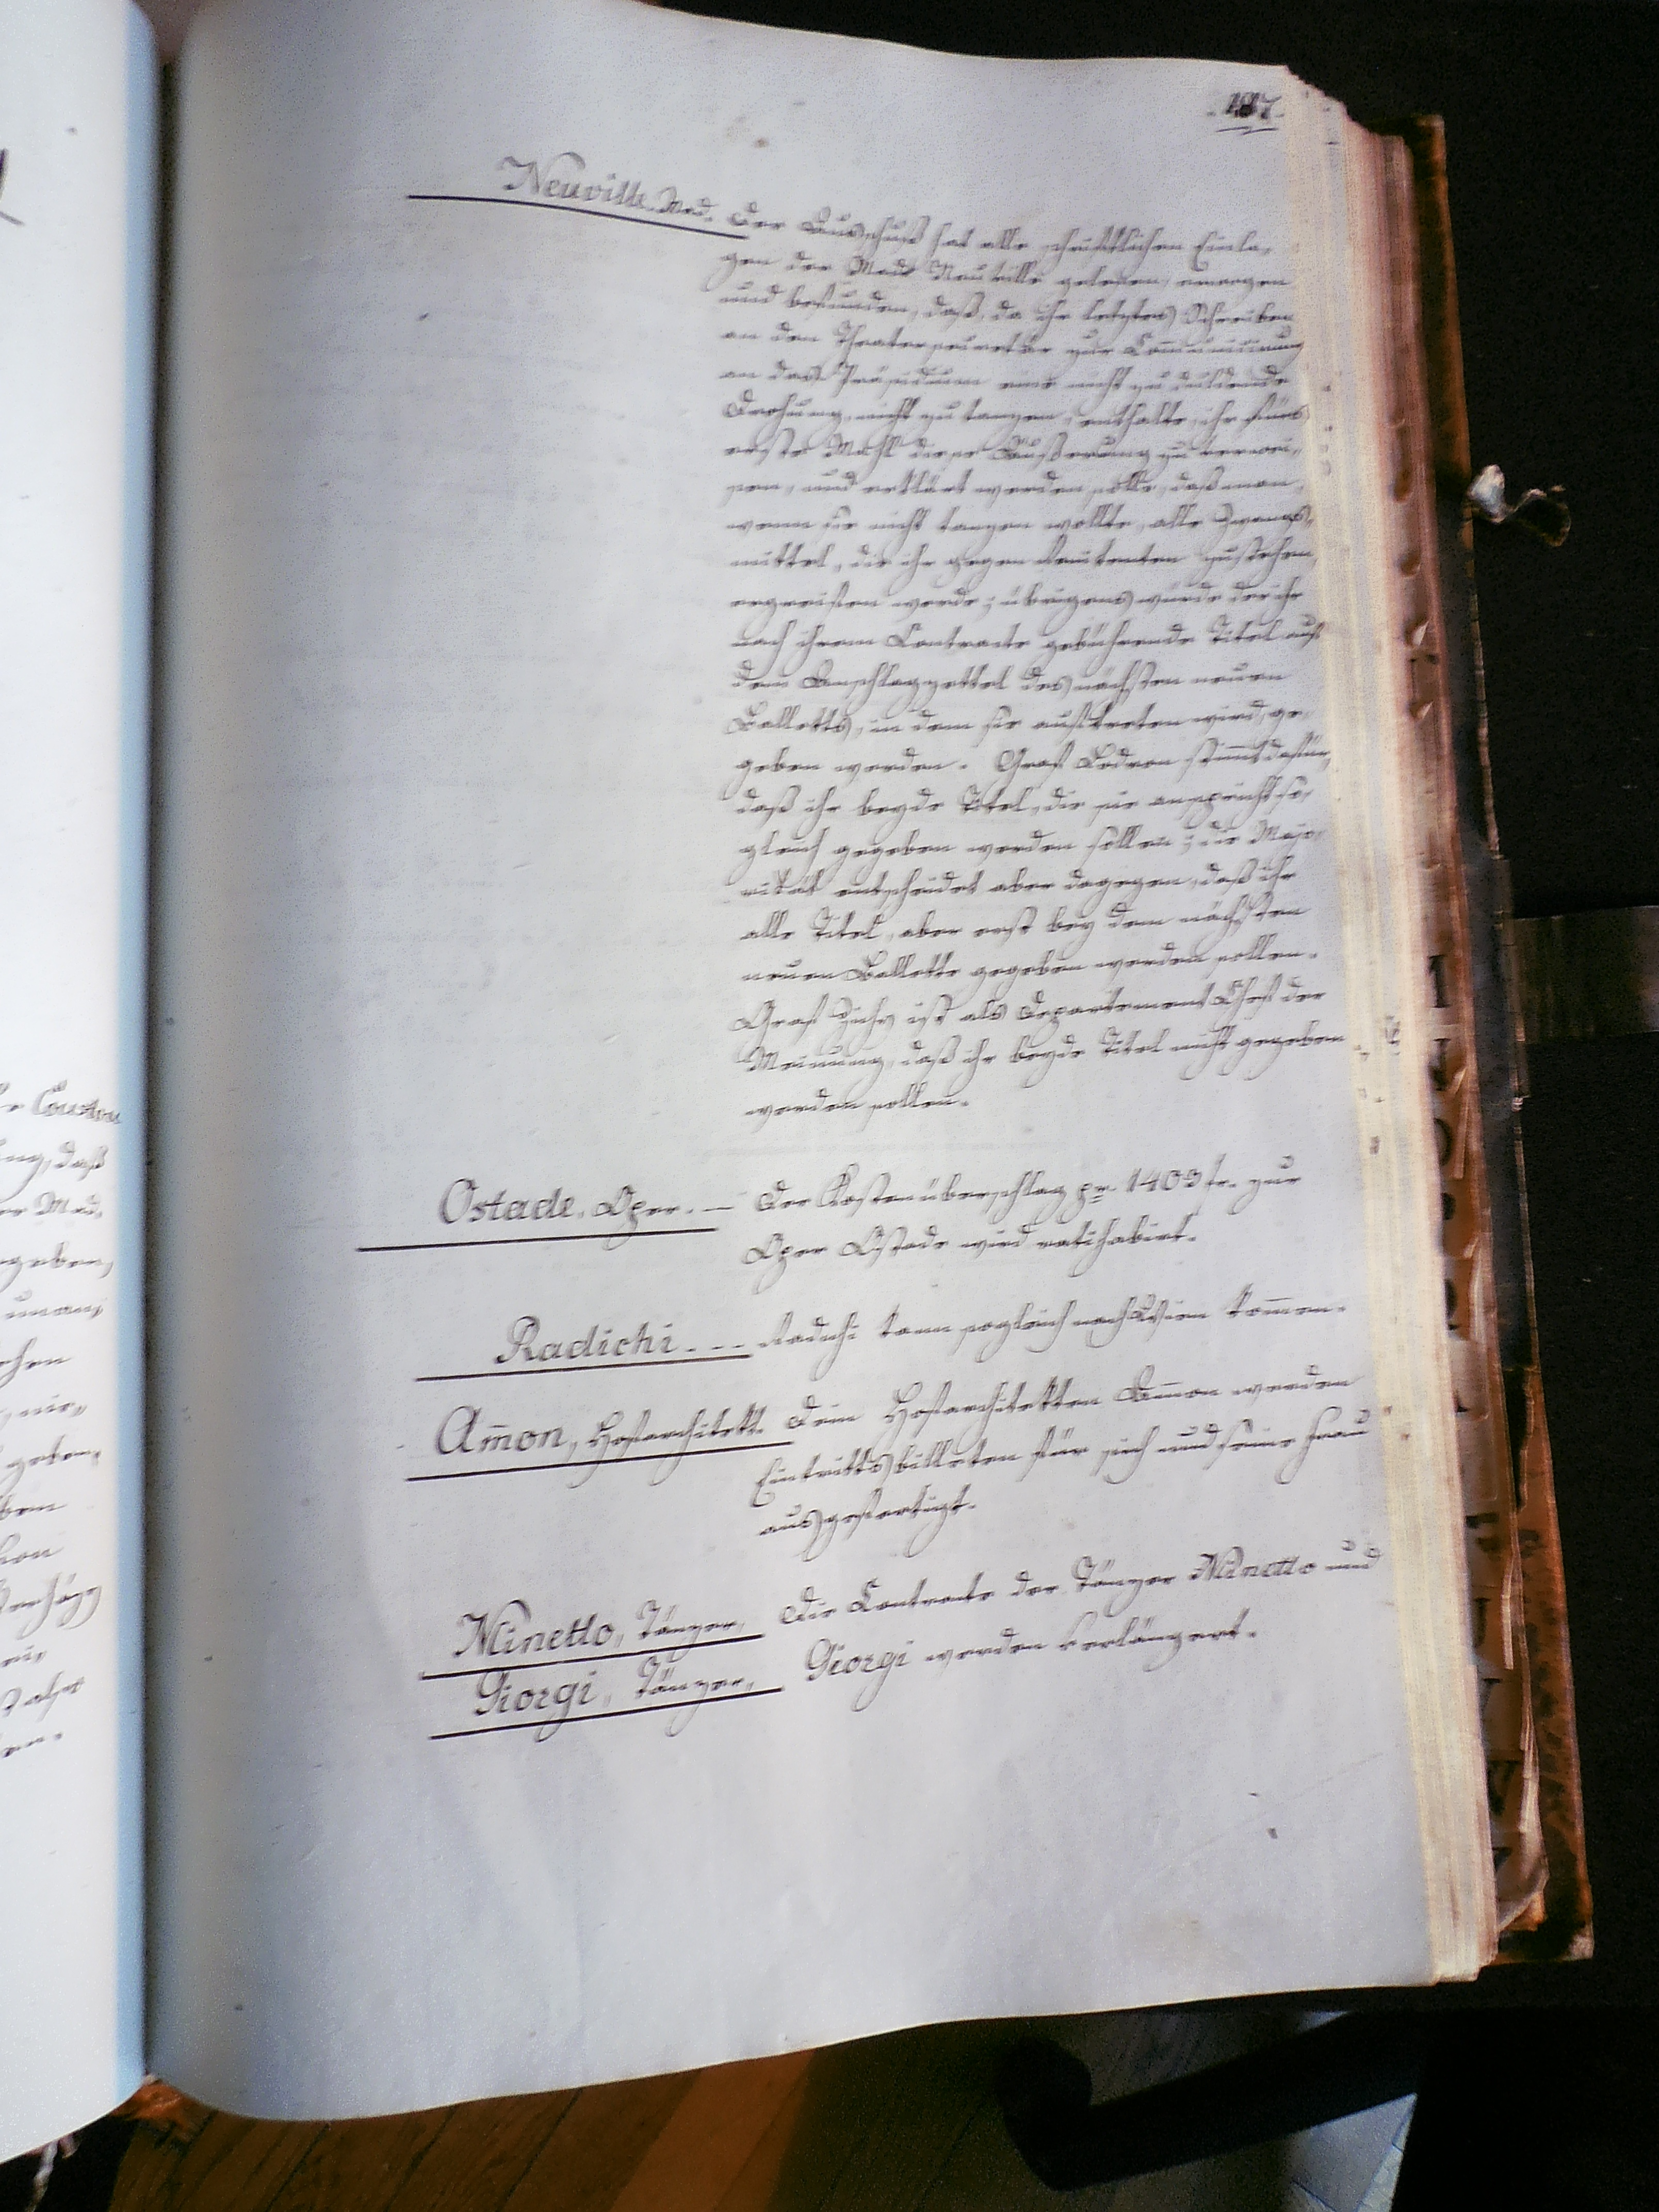197.
Neuville, Mad. Der Ausschuß hat alle schriftlichen Einla¬
gen der Mad. Neuville gelesen, erwogen
und befunden, daß, da ihr letztes Schreiben
an den Theatersecretär zur Com̅unicirung
an das Präsidium eine nicht zu duldende
Drohung, nicht zu tanzen enthalte, ihr fürs
erste Mahl dieser Außerung zu verweis¬
sen, und erklärt werden, solle, daß man,
wenn sie nicht tanzen wollte, alle Zwangs¬
mittel, die ihr gegen Renitenten zustehen
ergreifen werde; übrigens, werde der ihr
nach ihrem Contracte gehörende Titel auf
dem Anschlagzettel des nächsten neuen
Balletts, an dem sie auftreten wird ge¬
geben werden. Graf Lodron stim̅t dafür
daß ihr beyde Titel, die sie anspricht so¬
gleich gegeben werden sollen; die Majo¬
rität entscheidet aber dagegen daß ihr
alle Titel, aber erst bey demnächsten
neuen Ballette gegeben werden sollen.
Graf Zichy ist als Department Chef der
Meinung, daß ihr beyde Titel nicht gegeben
werden sollen.
Ostade, Oper .... Der Kostenüberschlag pr͇ 1403fr. zur
Oper Ostade wird ratihabirt.
Radichi. .. .. .. Radichi kann sogleich nach Wien kom̅en.
Amon, Hofarchitekt. Dem Hofarchitekten Amon werden
Eintrittsbilleten für sich und seine Frau
ausgefertigt.
Minetto, Tänzer
Giorgi, Tänzer
Die Contracte der Tänzer Minetto und
Giorgi werden verlängert.